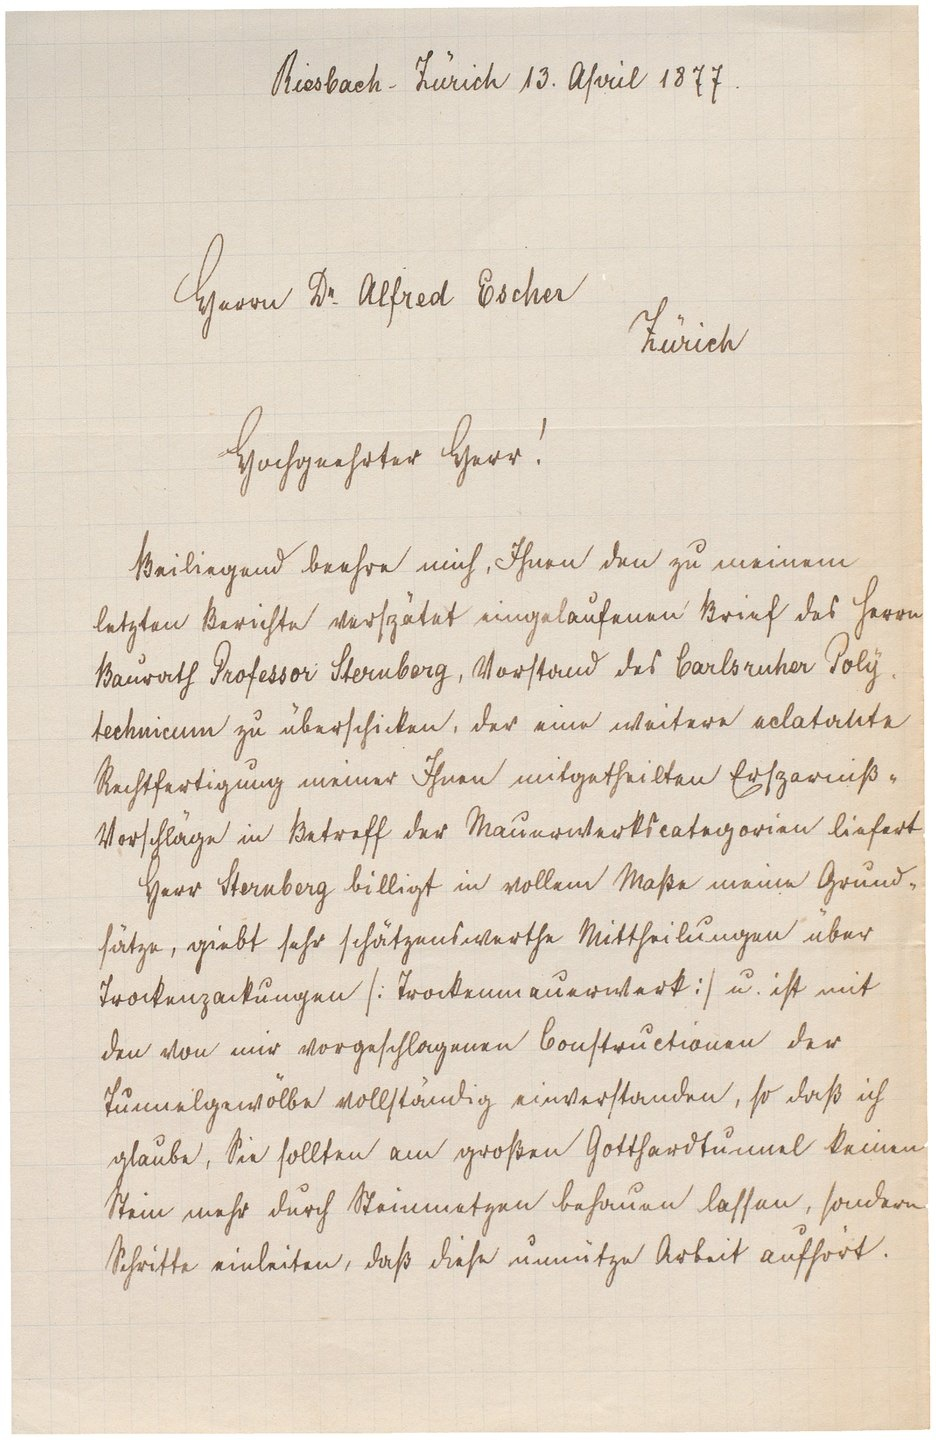Riesbach–Zürich13. April 1877.
Herrn Dr Alfred Escher
Zürich
Hochgeehrter Herr!
Beiliegend beehre mich, Ihnen den zu meinem
letzten Berichte verspätet eingelaufenen Brief des Herrn
Baurath Professor Sternberg, Vorstand des Carlsruher Poly-
technicum zu überschicken, der eine weitere eclatante
Rechtfertigung meiner Ihnen mitgetheilten Ersparniß-
Vorschläge in Betreff der Mauerwerkscategorien liefert.
Herr Sternberg billigt in vollem Maße meine Grund-
sätze, giebt sehr schätzenswerthe Mittheilungen über
Trockenpackungen (Trockenmauerwerk) u. ist mit
den von mir vorgeschlagenen Constructionen der
Tunnelgewölbe vollständig einverstanden, so daß ich
glaube, Sie sollten am großen Gotthardtunnel keinen
Stein mehr durch Steinmetzen behauen lassen, sondern
Schritte einleiten, daß diese unnütze Arbeit aufhört.